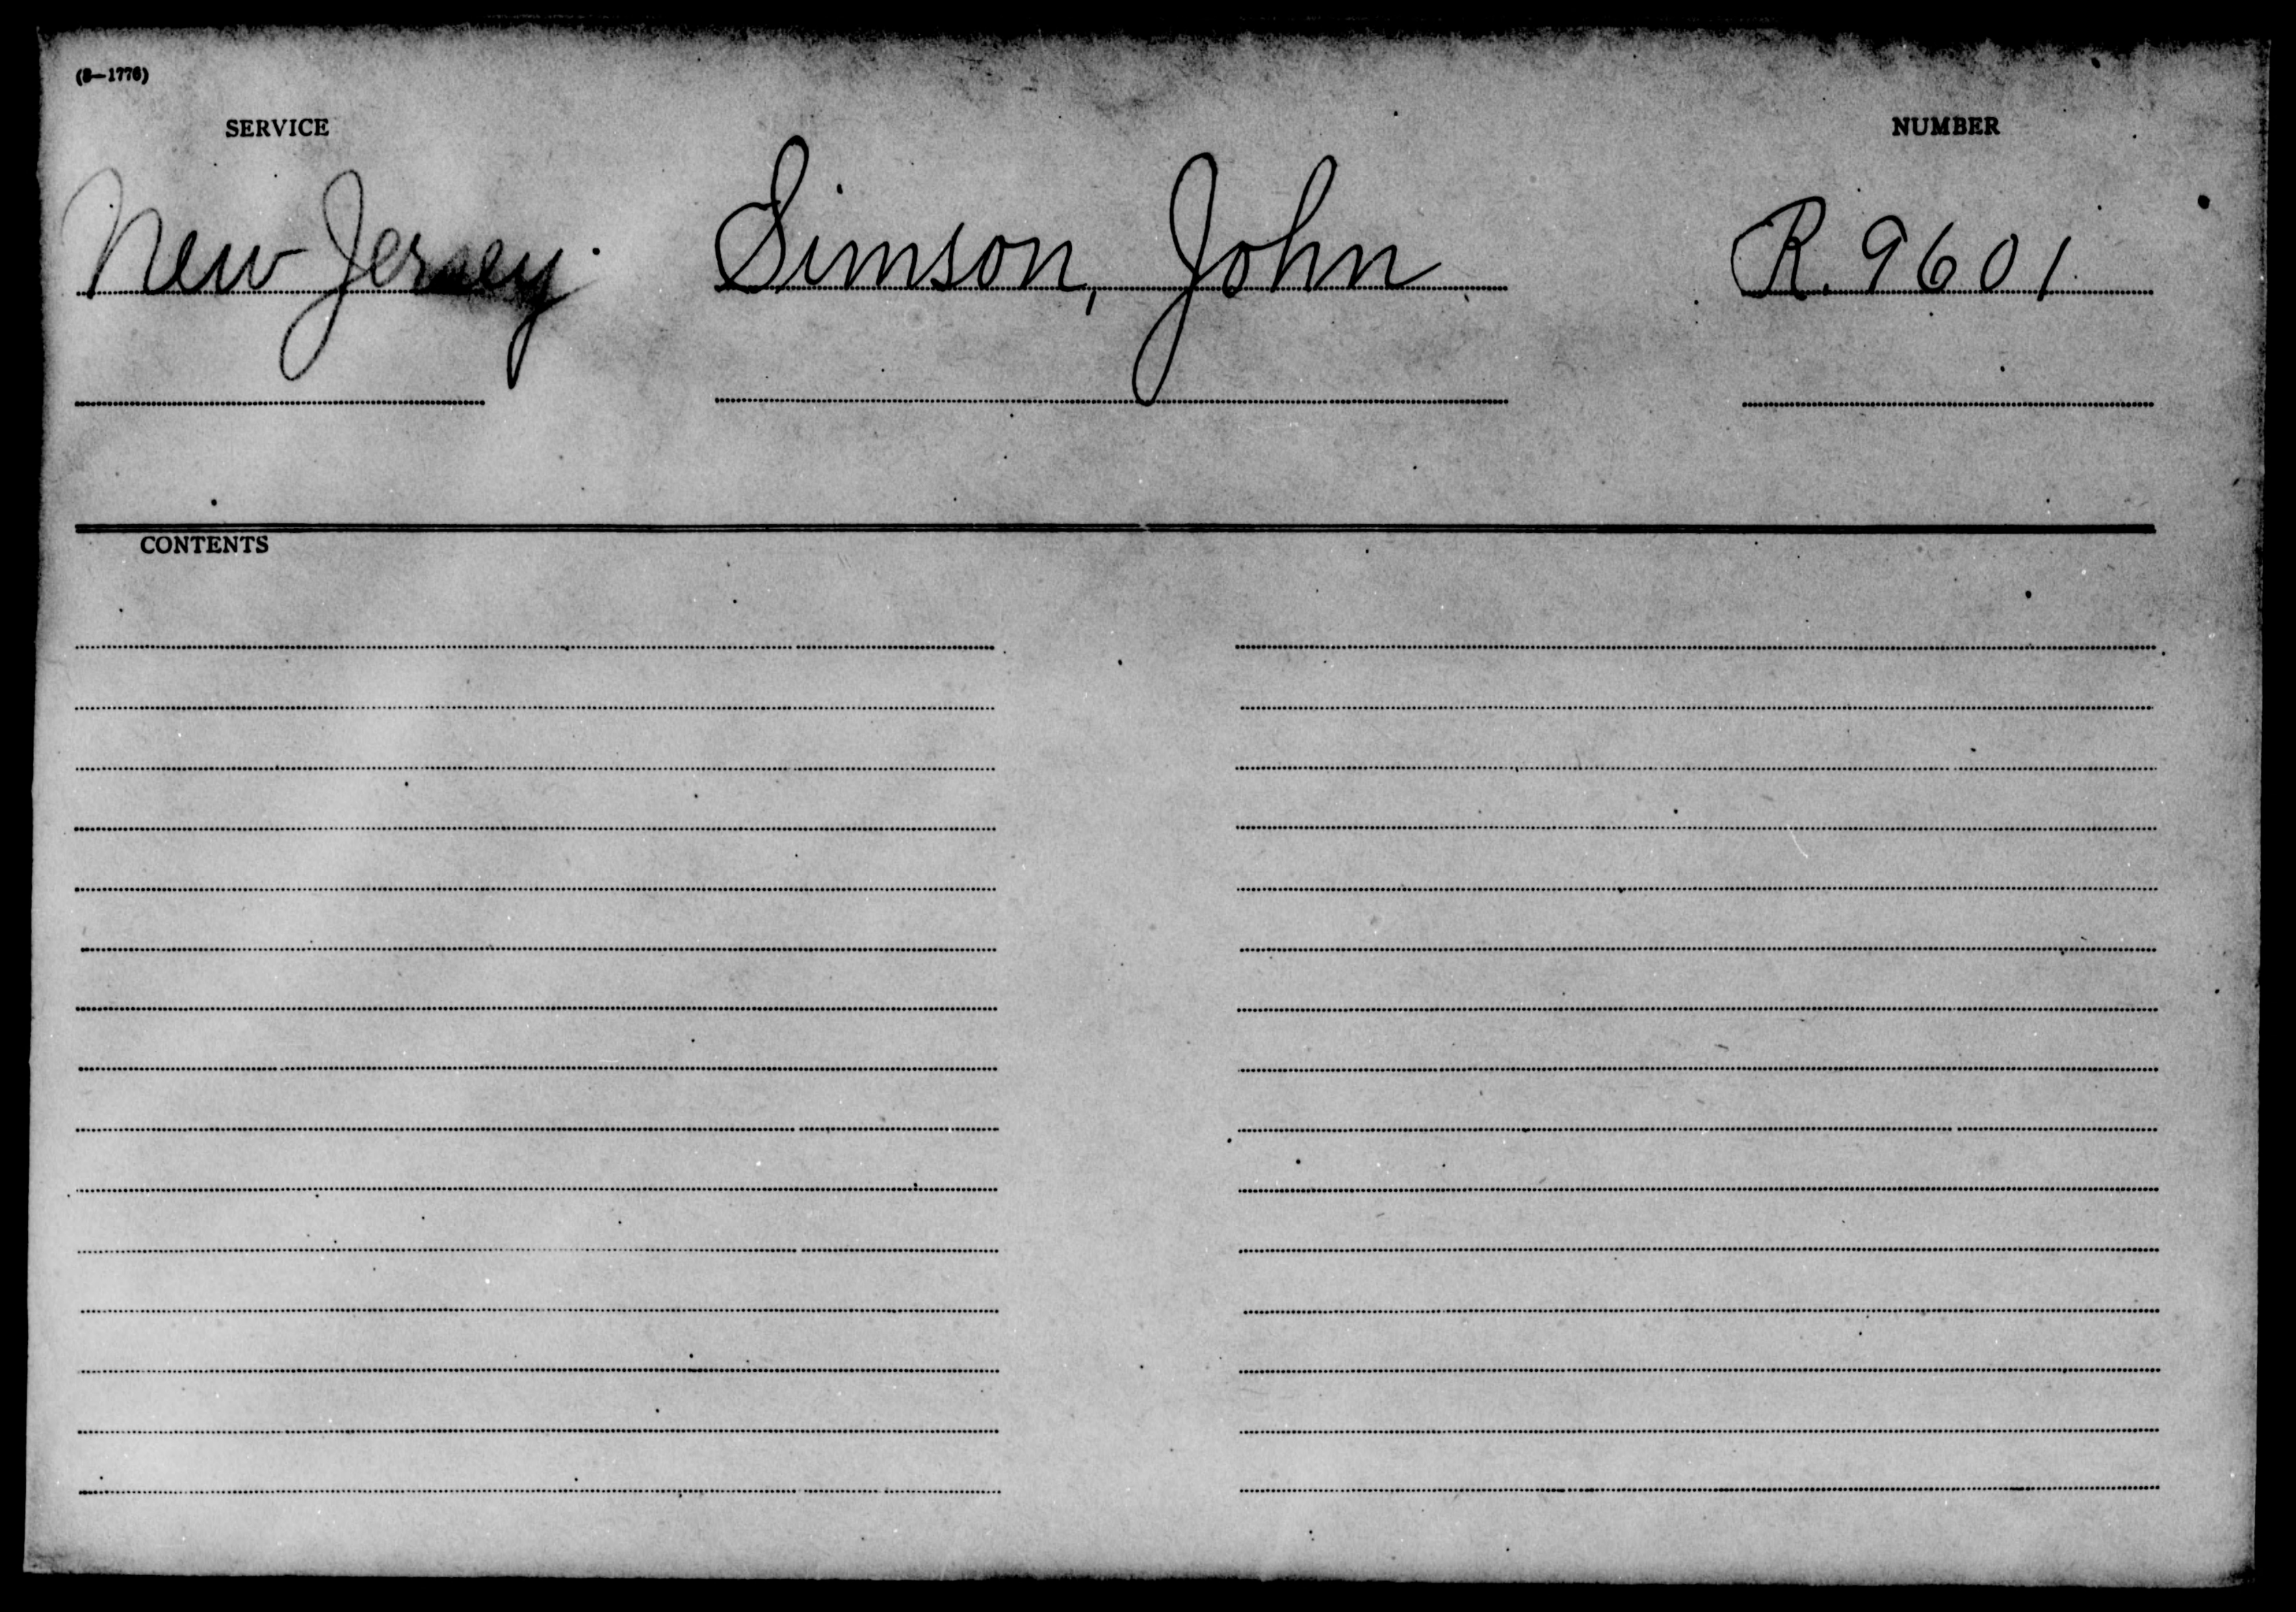Service:
New Jersey

Simson, John

Number:
R9601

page: 1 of 35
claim: rejected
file: R. 9601, for John Simson, New Jersey